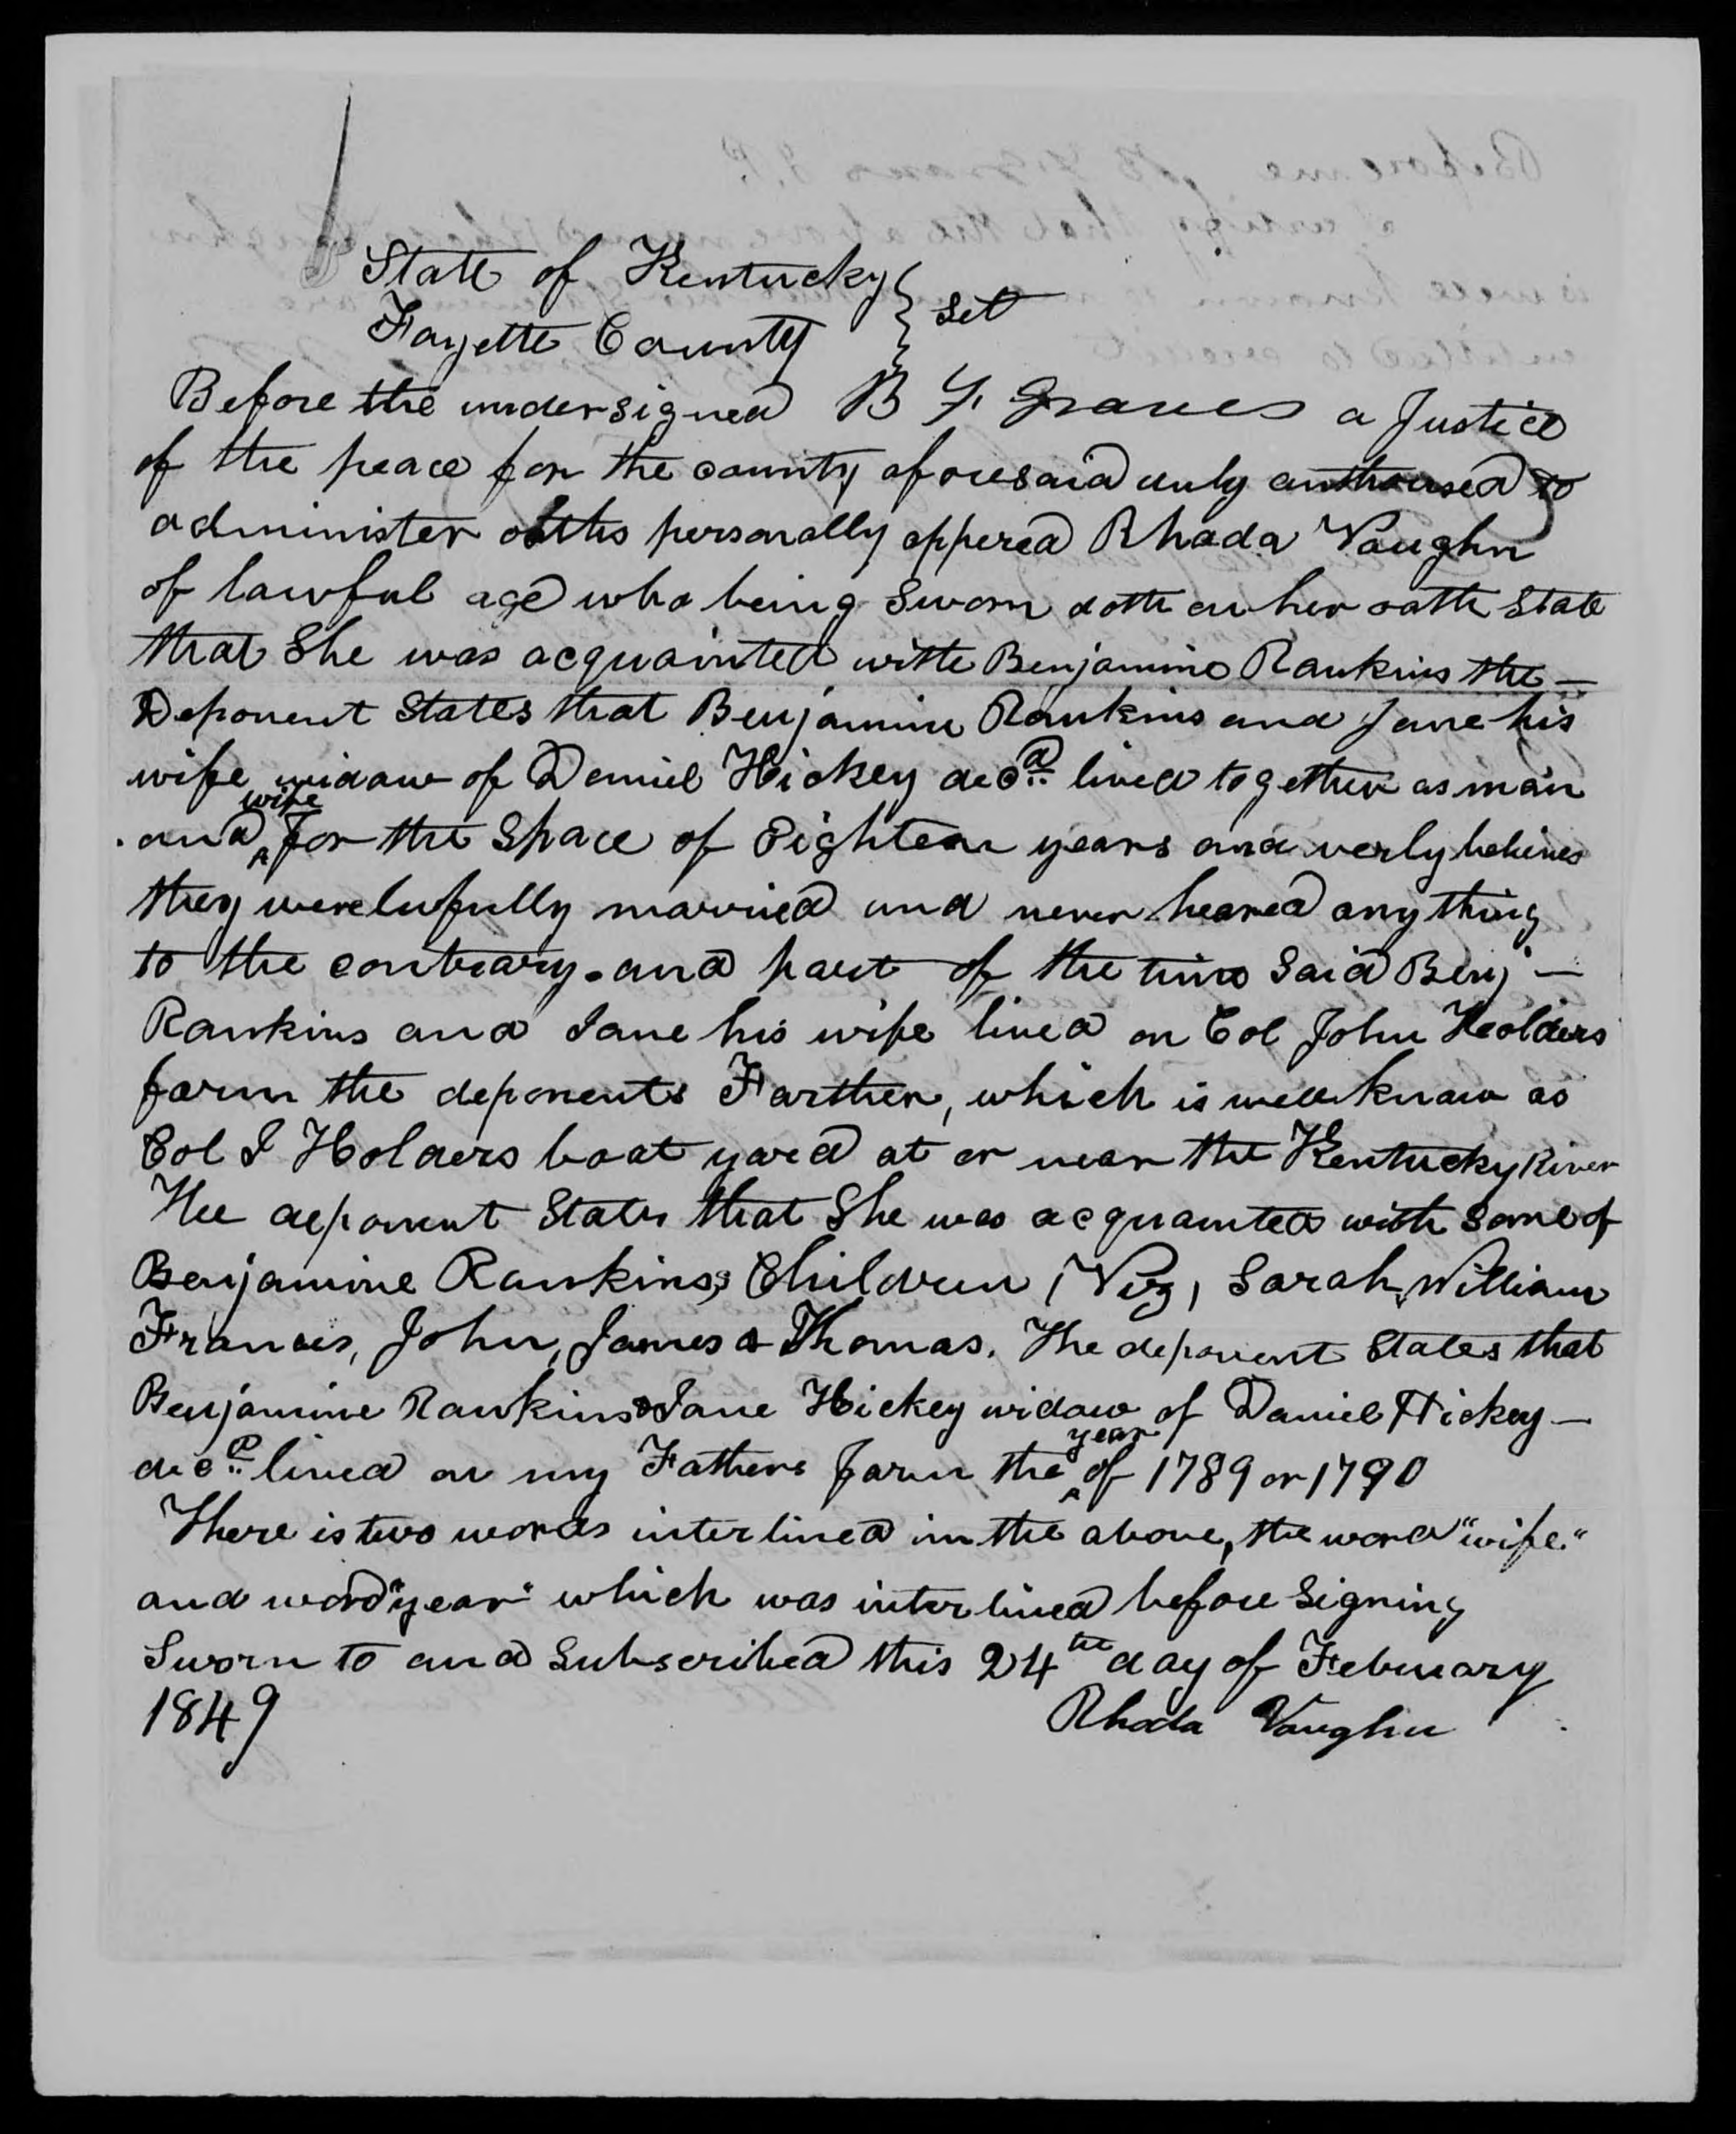State of Kentucky  }
Fayetteville County} Sct

Before the undersigned B F. Graves a Justice of the peace for the county aforesaid duly authorised to administer oaths personally appered[sic] Rhoda Vaughn of lawful age who being Sworn doth on her oath State that She was acquainted with Benjamin Rankins the Deponent States that Benjamin Rankins and Jane his wife widow of Daniel Hickey decd. lived together as man and wife for the space of Eighteen years and verly[sic] believes they were lawfully married and never heard anything to the contrary. and part of the time Said Benj. Rankins and Jane his wife lived on Col John Holders farm the deponents Farther[sic], which is well known as Col I Holders boat yard at or near the Kentucky River The deponent States that She was acquainted with some of Benjamin Rankins Children, Viz, Sarah, William, Frances, John, James & Thomas. The deponent States that Benjamine Rankin & Jane Hickey widow of Daniel Hickey— decd.  lived on my Fathers farm the year of 1789 or 1790  There is[sic] two words interlined in the above, the word “wife.” and word “year “ which was interlined before Signing Sworn to and Subscribed this 24th day of February 1849
                                          Rhoda Vaughn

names: Thomas, Rhoda Vaughn, Daniel Hickey, Sarah, John Holder, Rhoda Vaughn, Jane, Benjamine Rankins, Benj Rankins, John, William, Daniel Hickey, J Holder, Jane Hickey, Benjamine Rankins, Benjamine Rankins, B F Graves, Frances, James, Jane, Benjamine Rankins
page: 60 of 84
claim: widow's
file: W. 7744, Daniel Hickey, Penn.